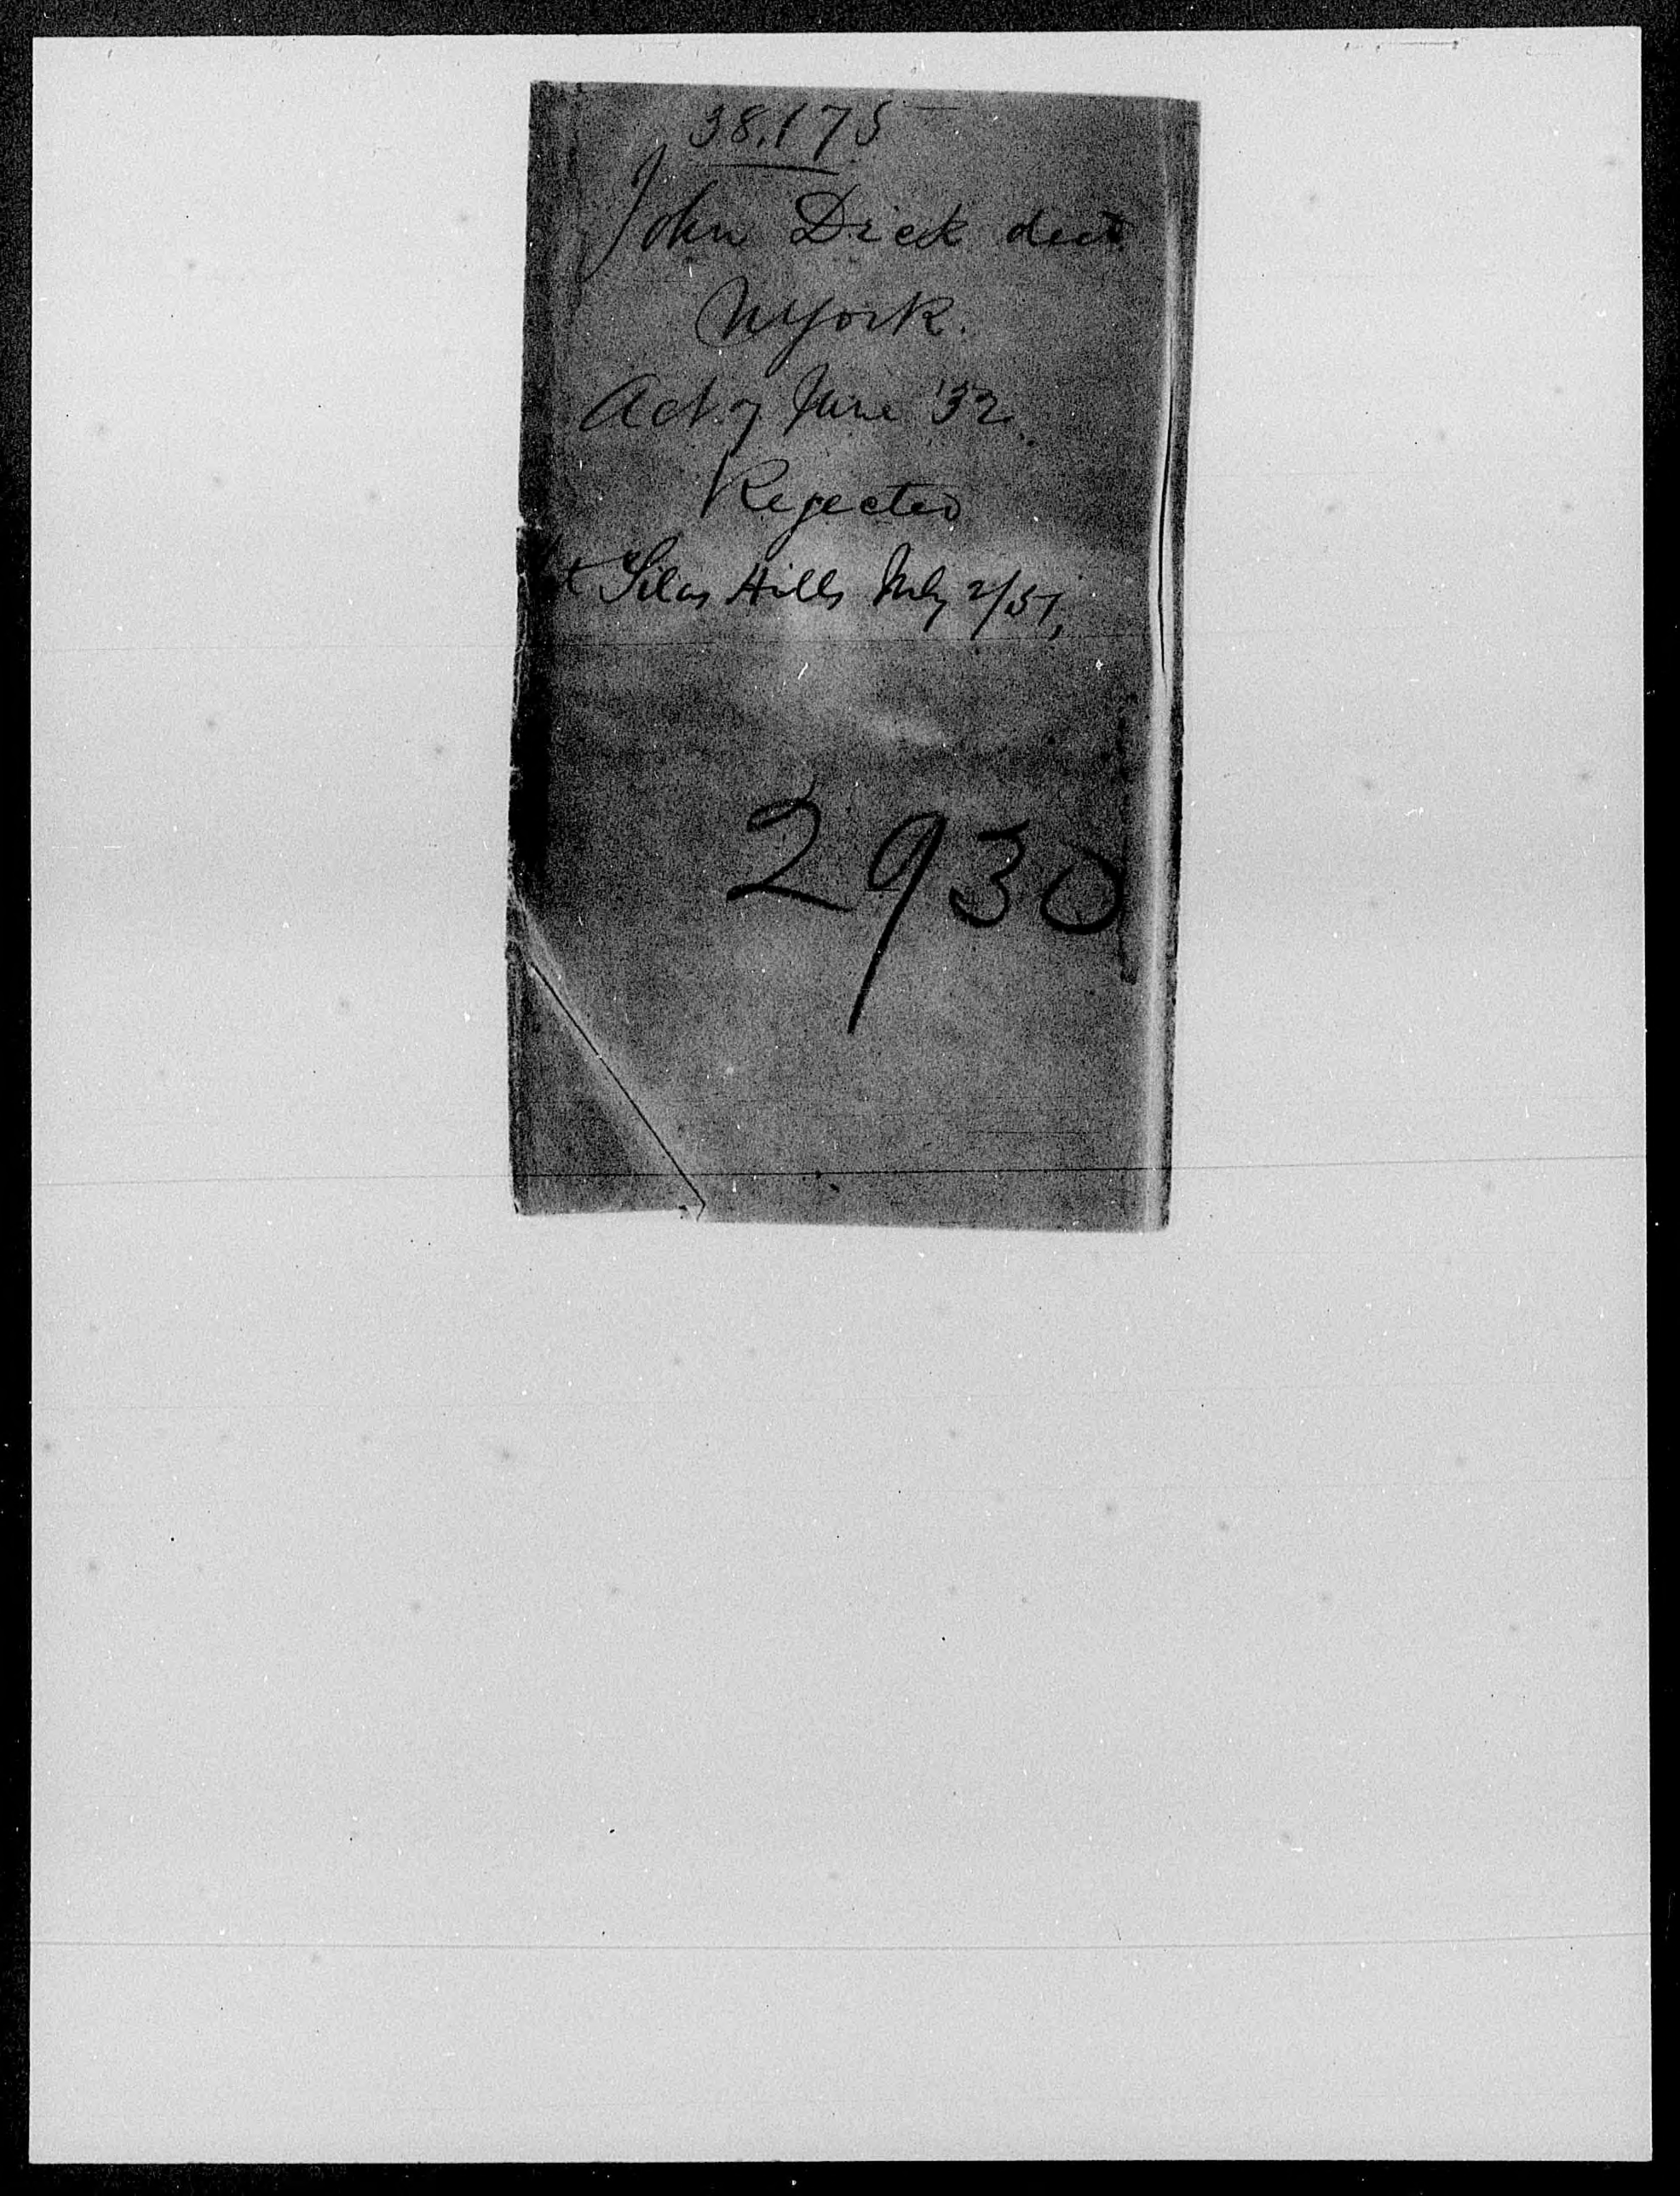38175
John Dick decd. NYork
Act of June '32.
Rejected
Silas Hills July 2/51, 
2930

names: Silas Hills, John Dick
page: 2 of 9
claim: rejected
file: R. 2,930, John Dick, Vt.